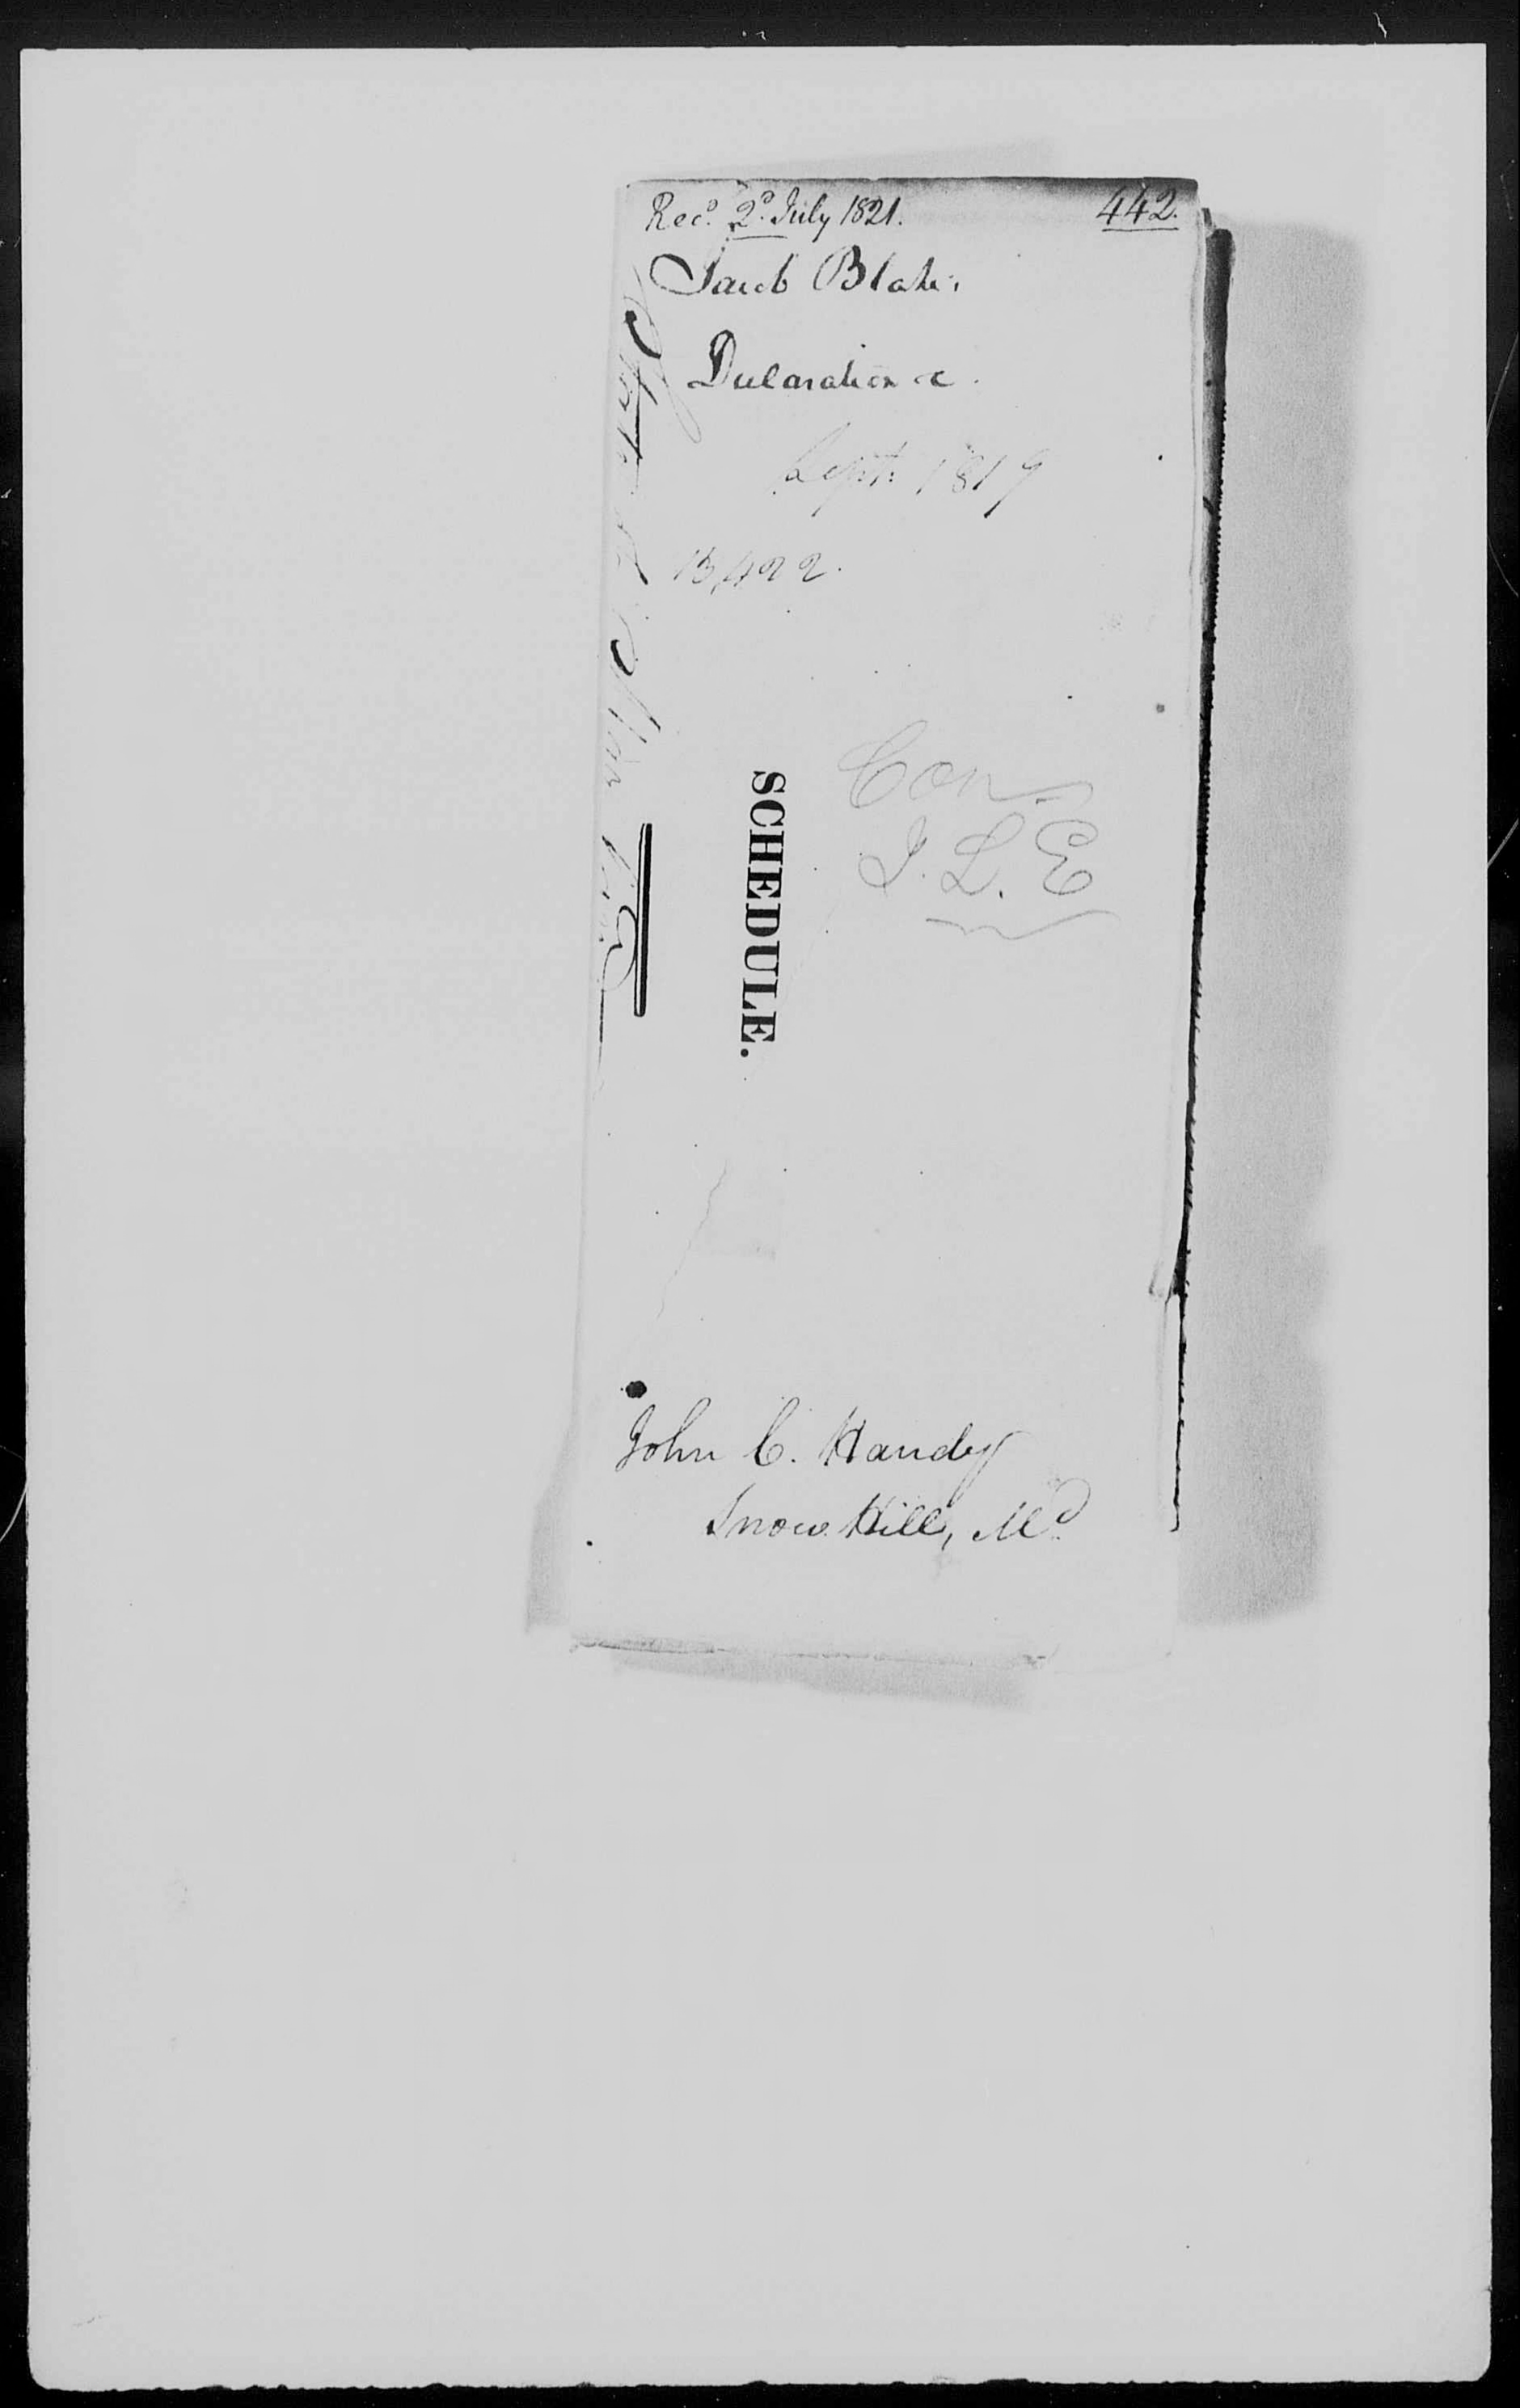Rec'd 2nd July 1821
 442
Jacob Blake
Declaration

Sept 1819

13,422

State of Maryland

SCHEDULE.

Con. I.L.E.

John C Handy
Snow Hill, MD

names: Jacob Blake, John C Handy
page: 7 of 18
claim: survivor's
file: S. 34654, Jacob Blake, Md.